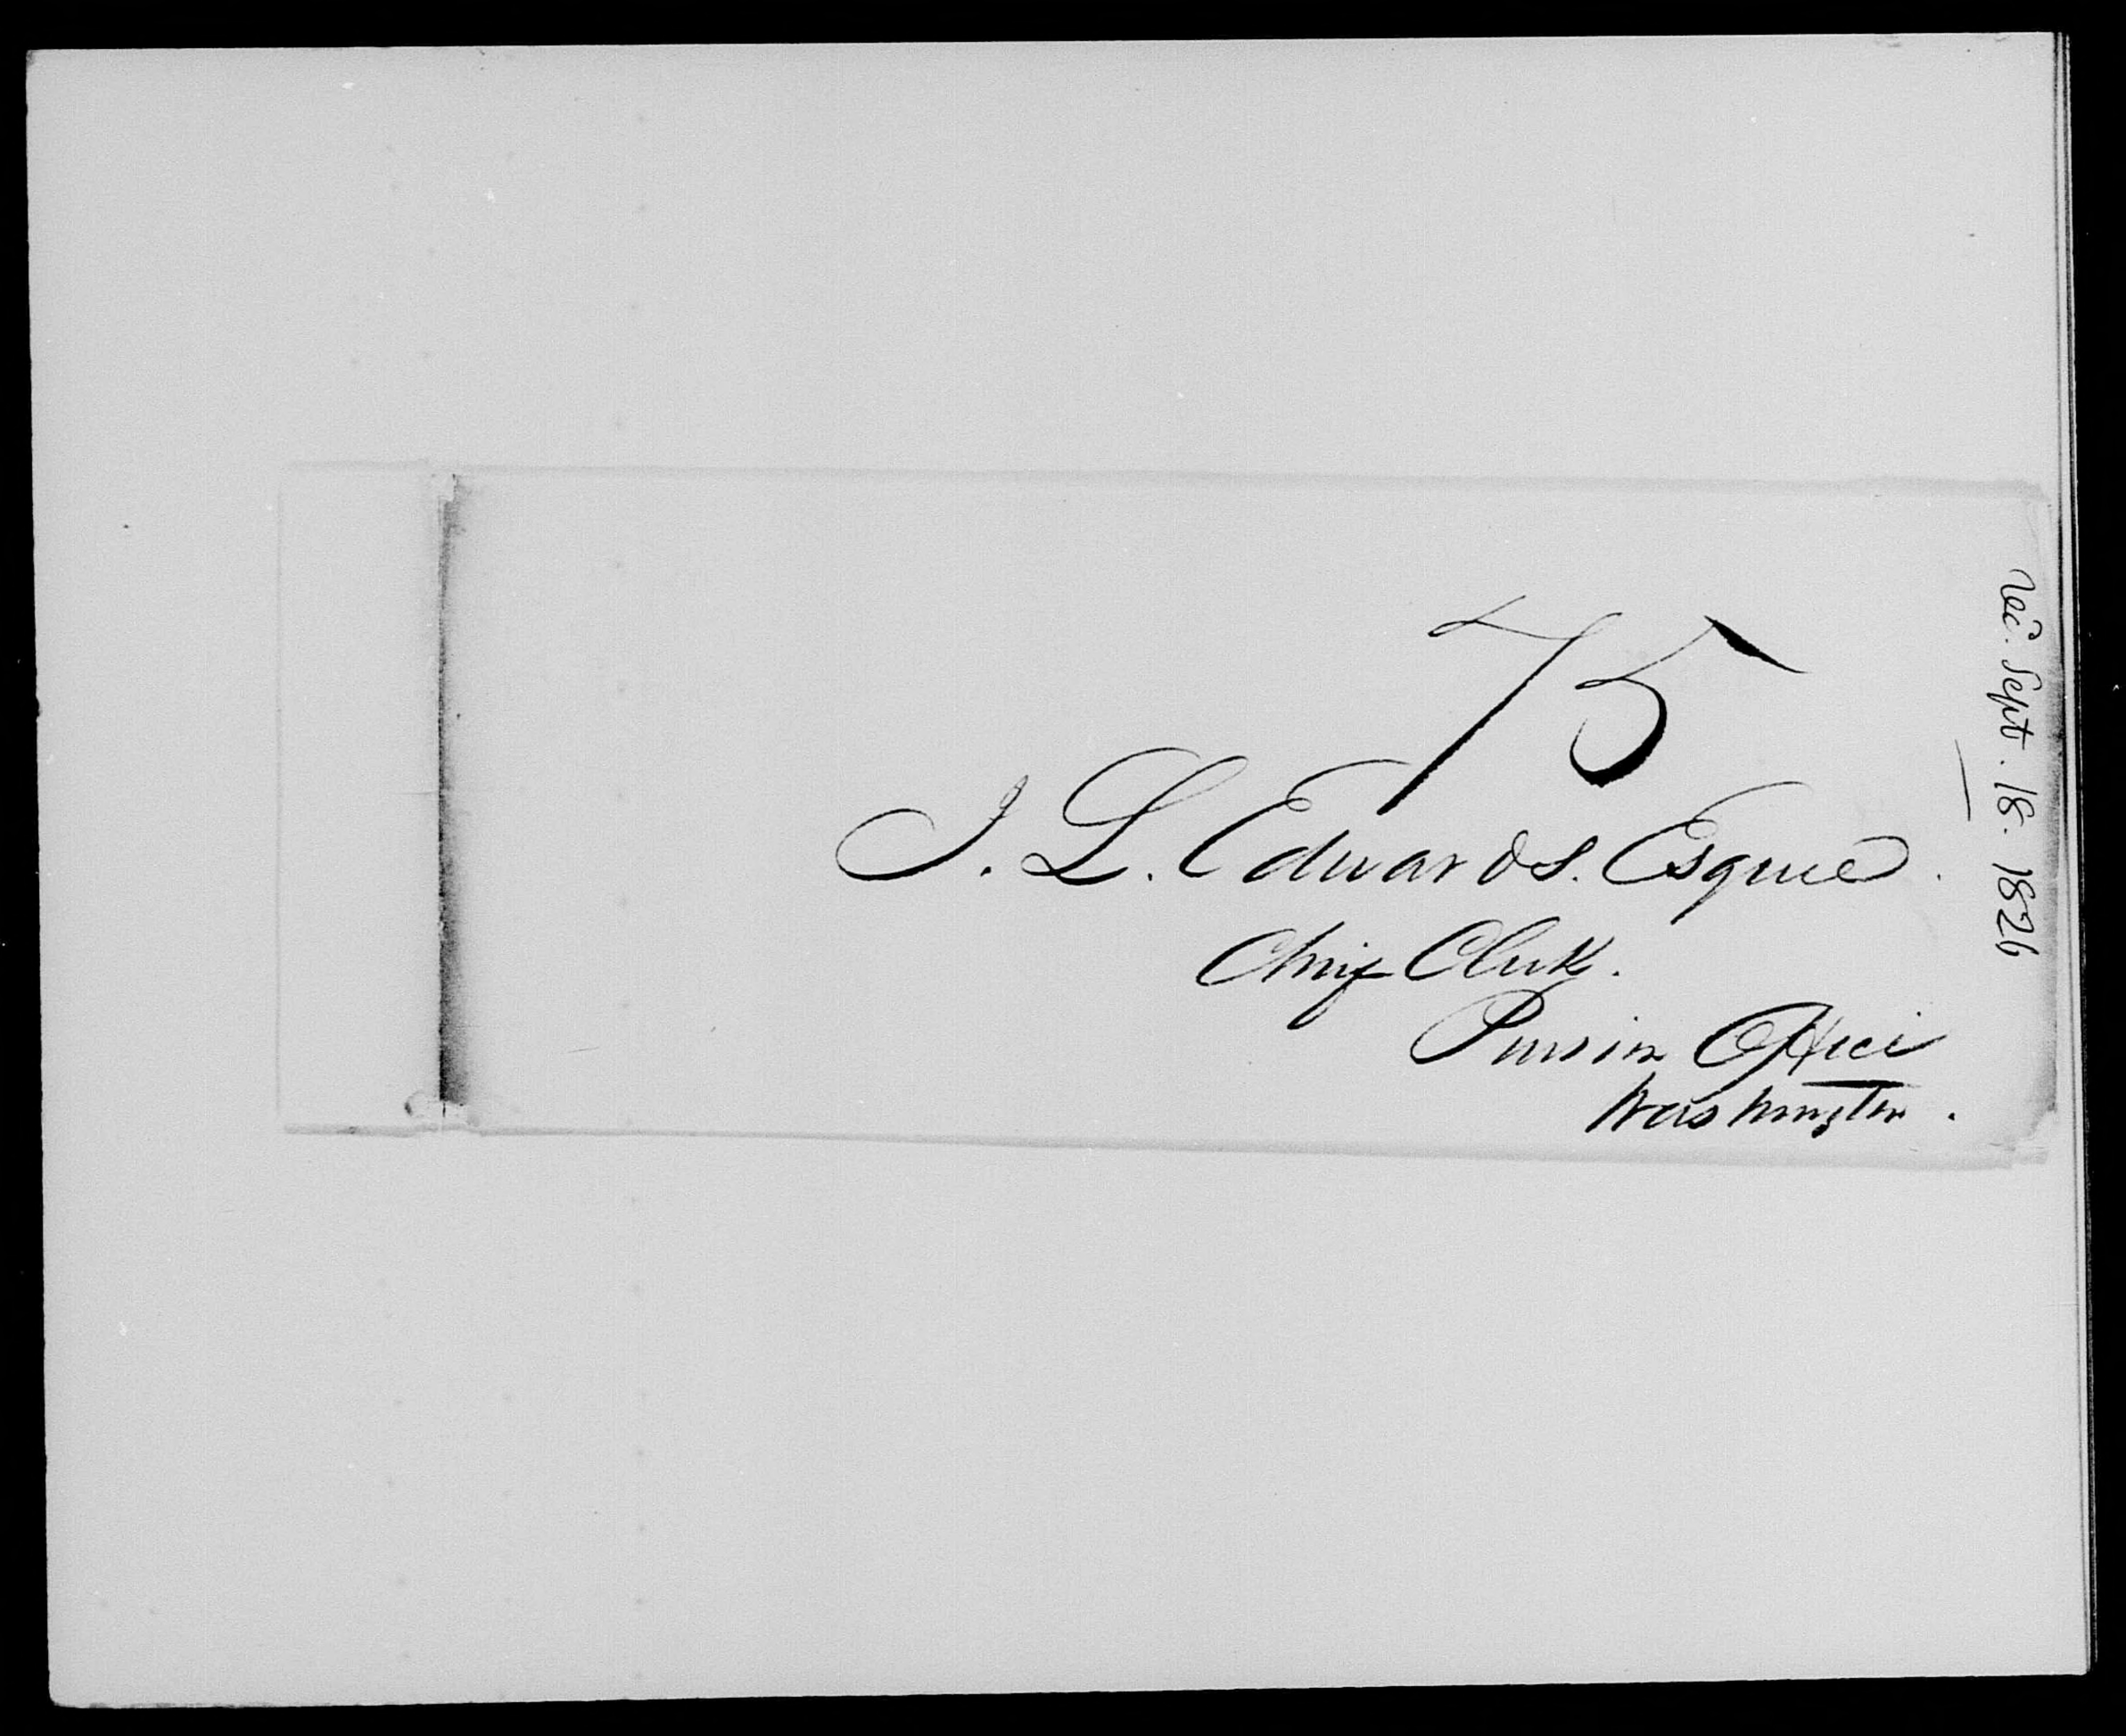75
J.L. Edwards Esquire
Chief Clerk
Pension Office
Washington 


[written on side edge]
rec. Sept. 18.1826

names: J L Edwards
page: 42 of 49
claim: survivor's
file: S. 41513, George Duncan, N.C.